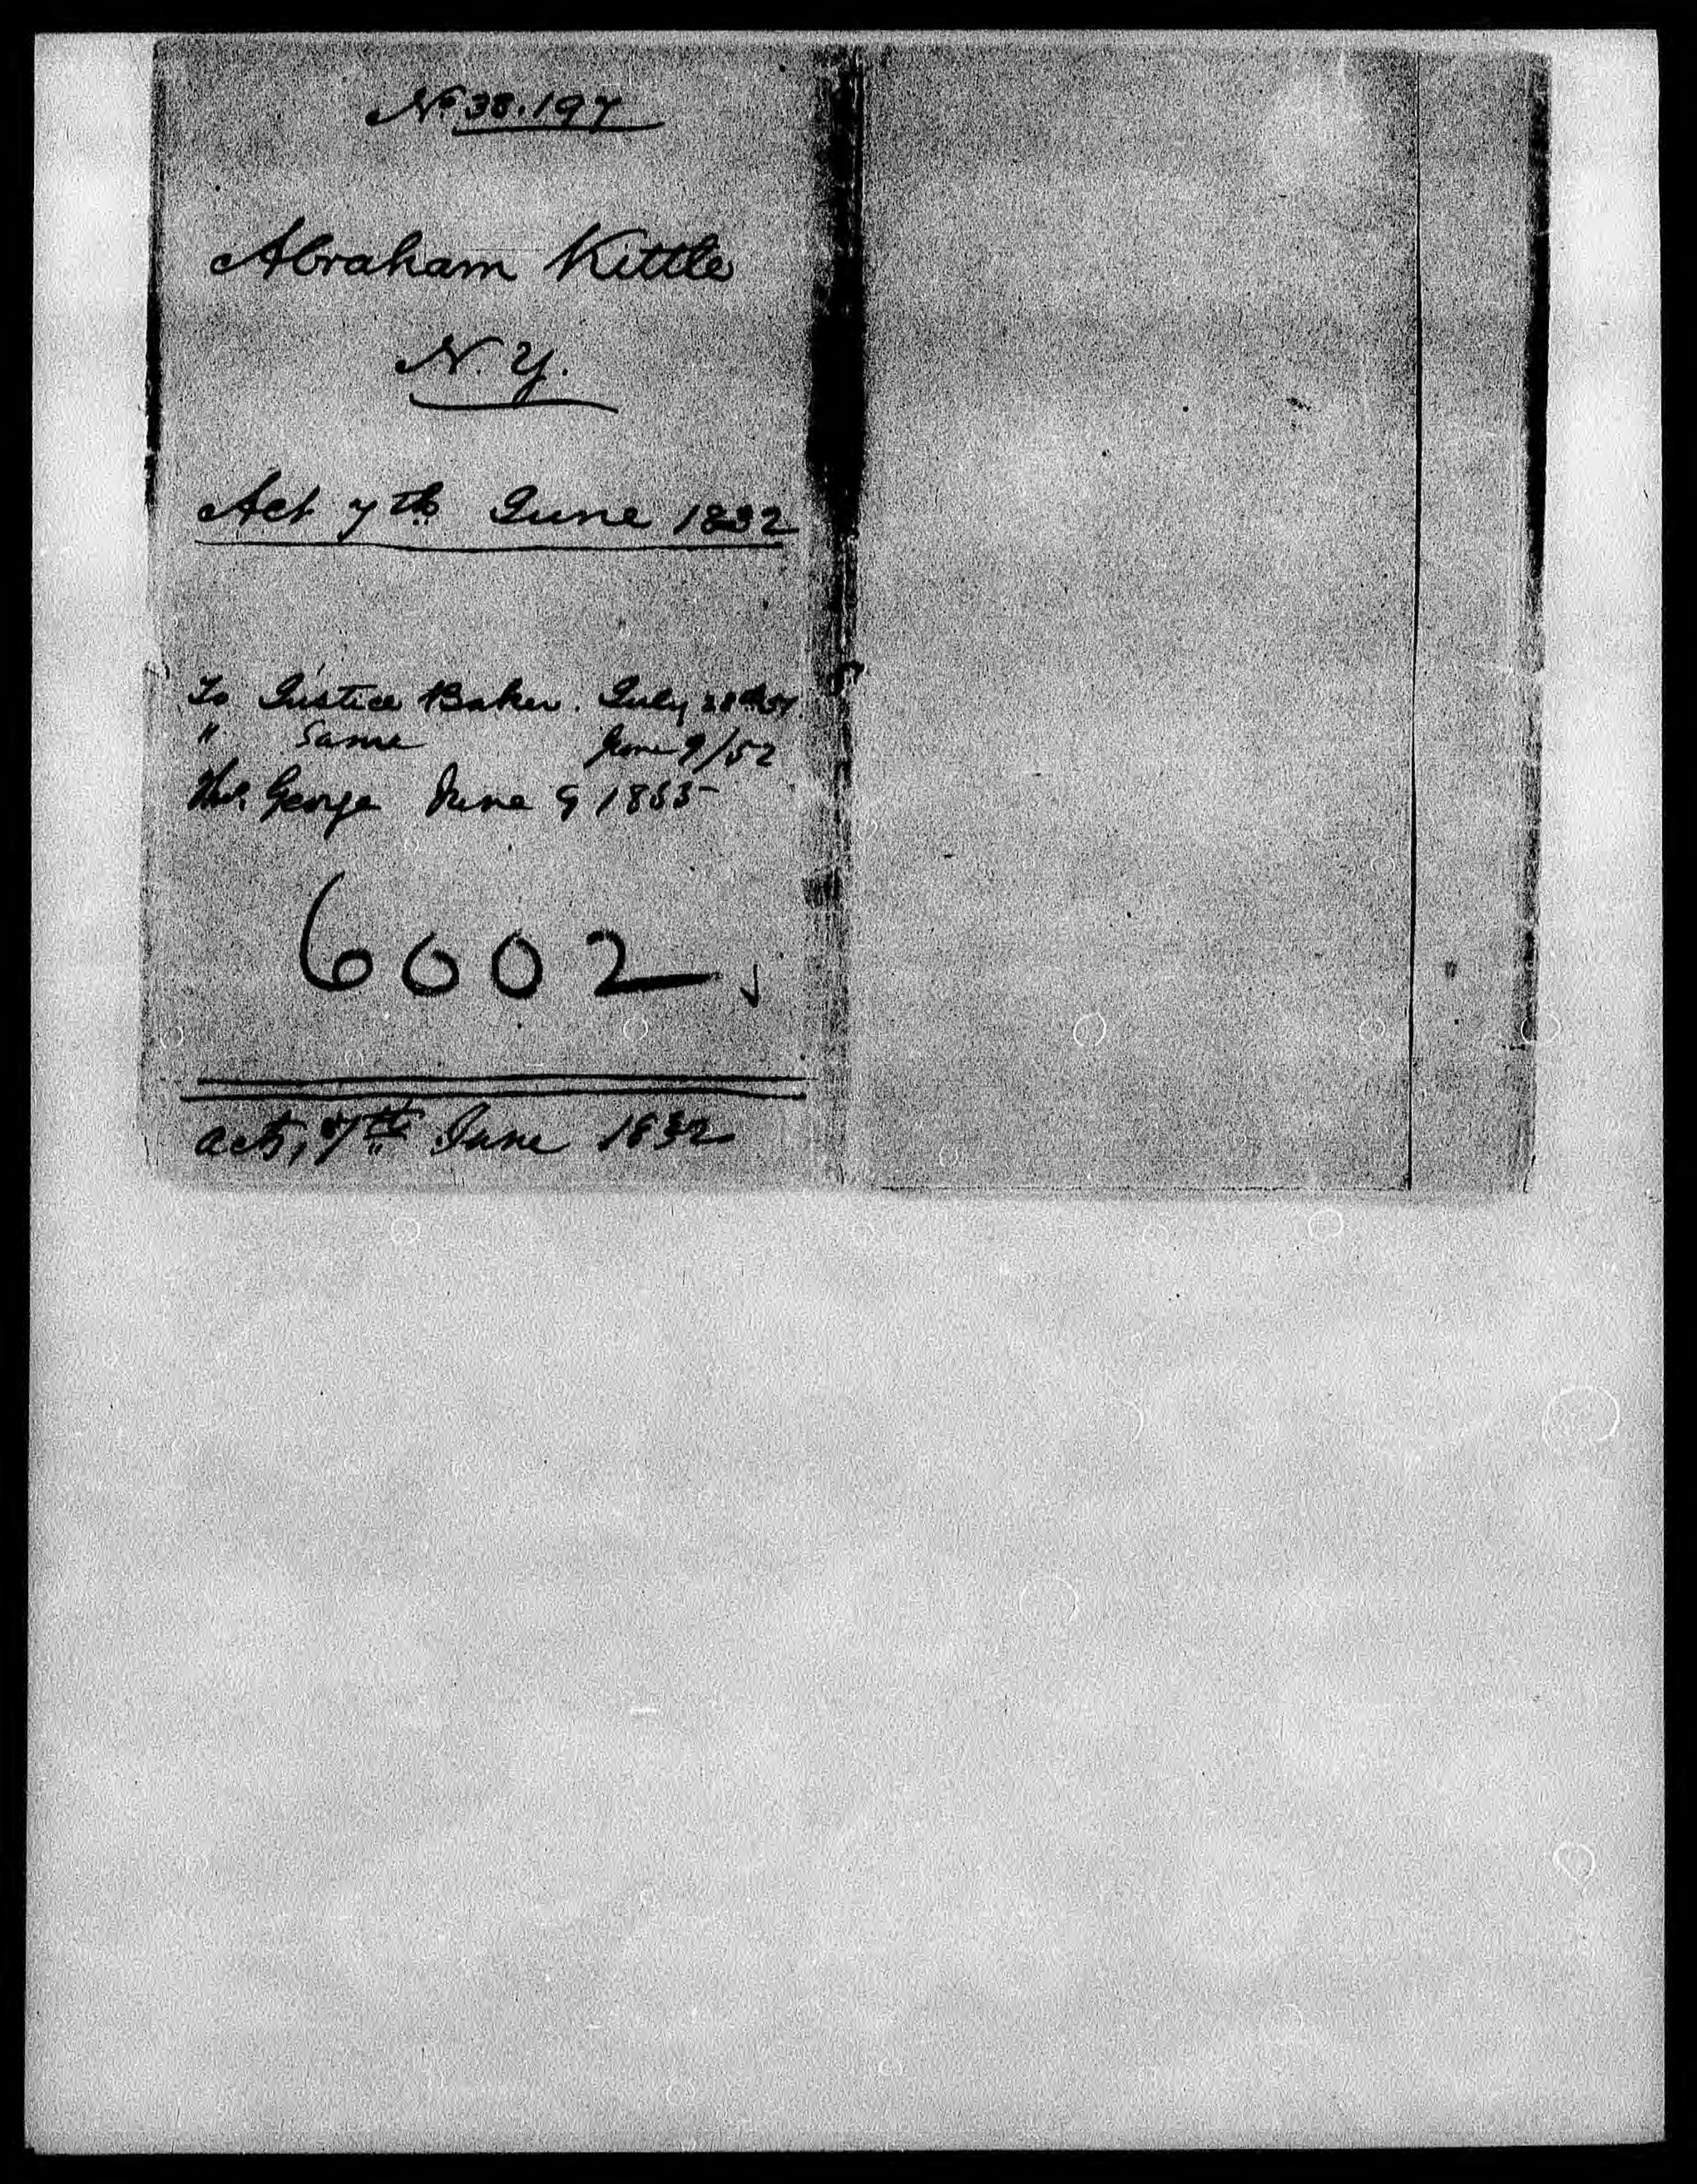No 38.197
Abraham Kittle
N. Y
Act 7th June 1832
To Justice Baker July 28 1851
To Justice Baker June 9/52
Thos George June 9 1863
6002
acts 7th June 1832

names: Thos George; Abraham Kittle; [BLANK] Baker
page: 2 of 18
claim: rejected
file: R. 6002, for Abraham Kittle, New York